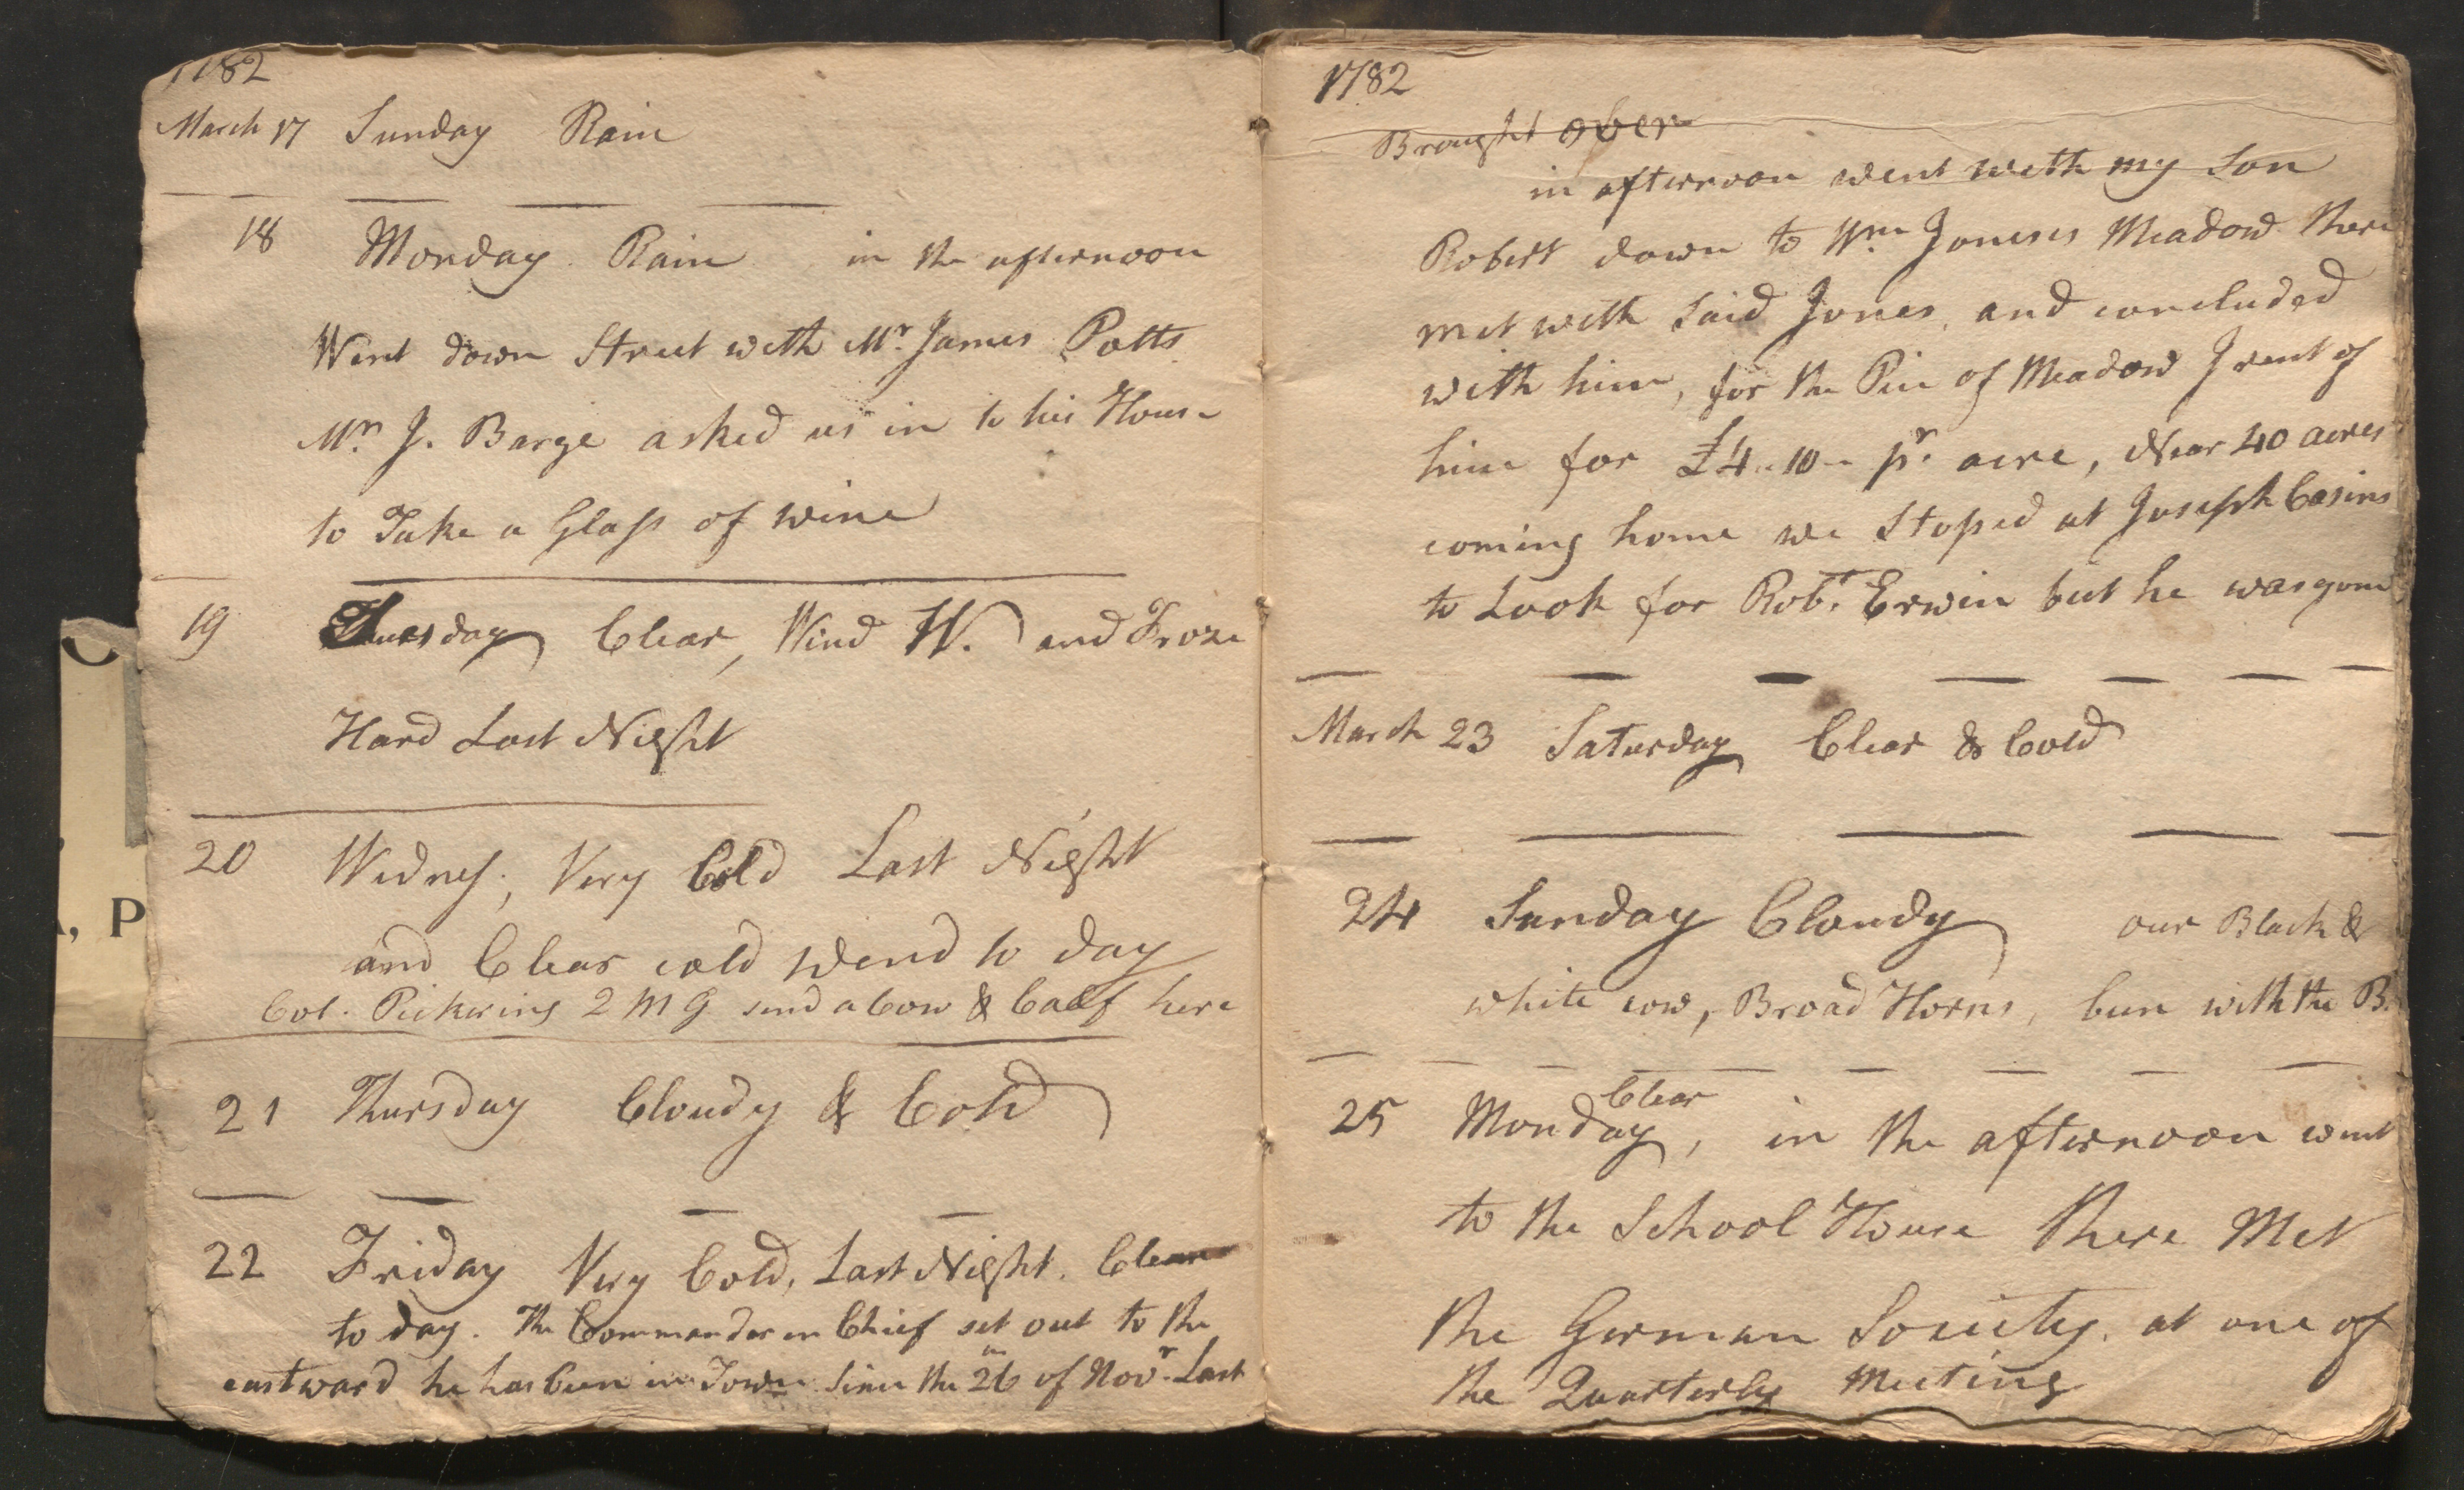1782
March 17 Sunday Rain
18 Monday. Rain in the afternoon
Went down Street with M^r. James Potts
M^r. J. Barge asked us in to his House
to Take a Glass of wine
19 Thursday Clear Wind W. and Froze
Hard Last Night
20 Wednes. Very Cold Last Night
am Clear cold wind to day
Col. Pickering QMG send a Cow & Calf here
21 Thursday Cloudy & Cold
22 Friday Very Cold, Last Night. Clear
to day. The Commander in Chief set out to the
eastward he has been in Town since the 26^th of Nov^r. Last
1782
Brought over
in afternoon went with my son
Robert down to W^m. Joneses Meadow there
met with said Jones, and concluded
with him, for the Pice of Meadow I rent of
him for £4..10- p^r. acre, Near 40 acres
coming home we stoped at Joseph Casins
to Look for Rob^t. Erwin but he was gone
March 23 Saturday Clear & Cold
24 Sunday Clondy our Black &
white cow, Broad Horses, been with the B.
Clear
25 Monday, in the afternoon went
to the School House there Met
the German Society at one of
the Quarterly meeting